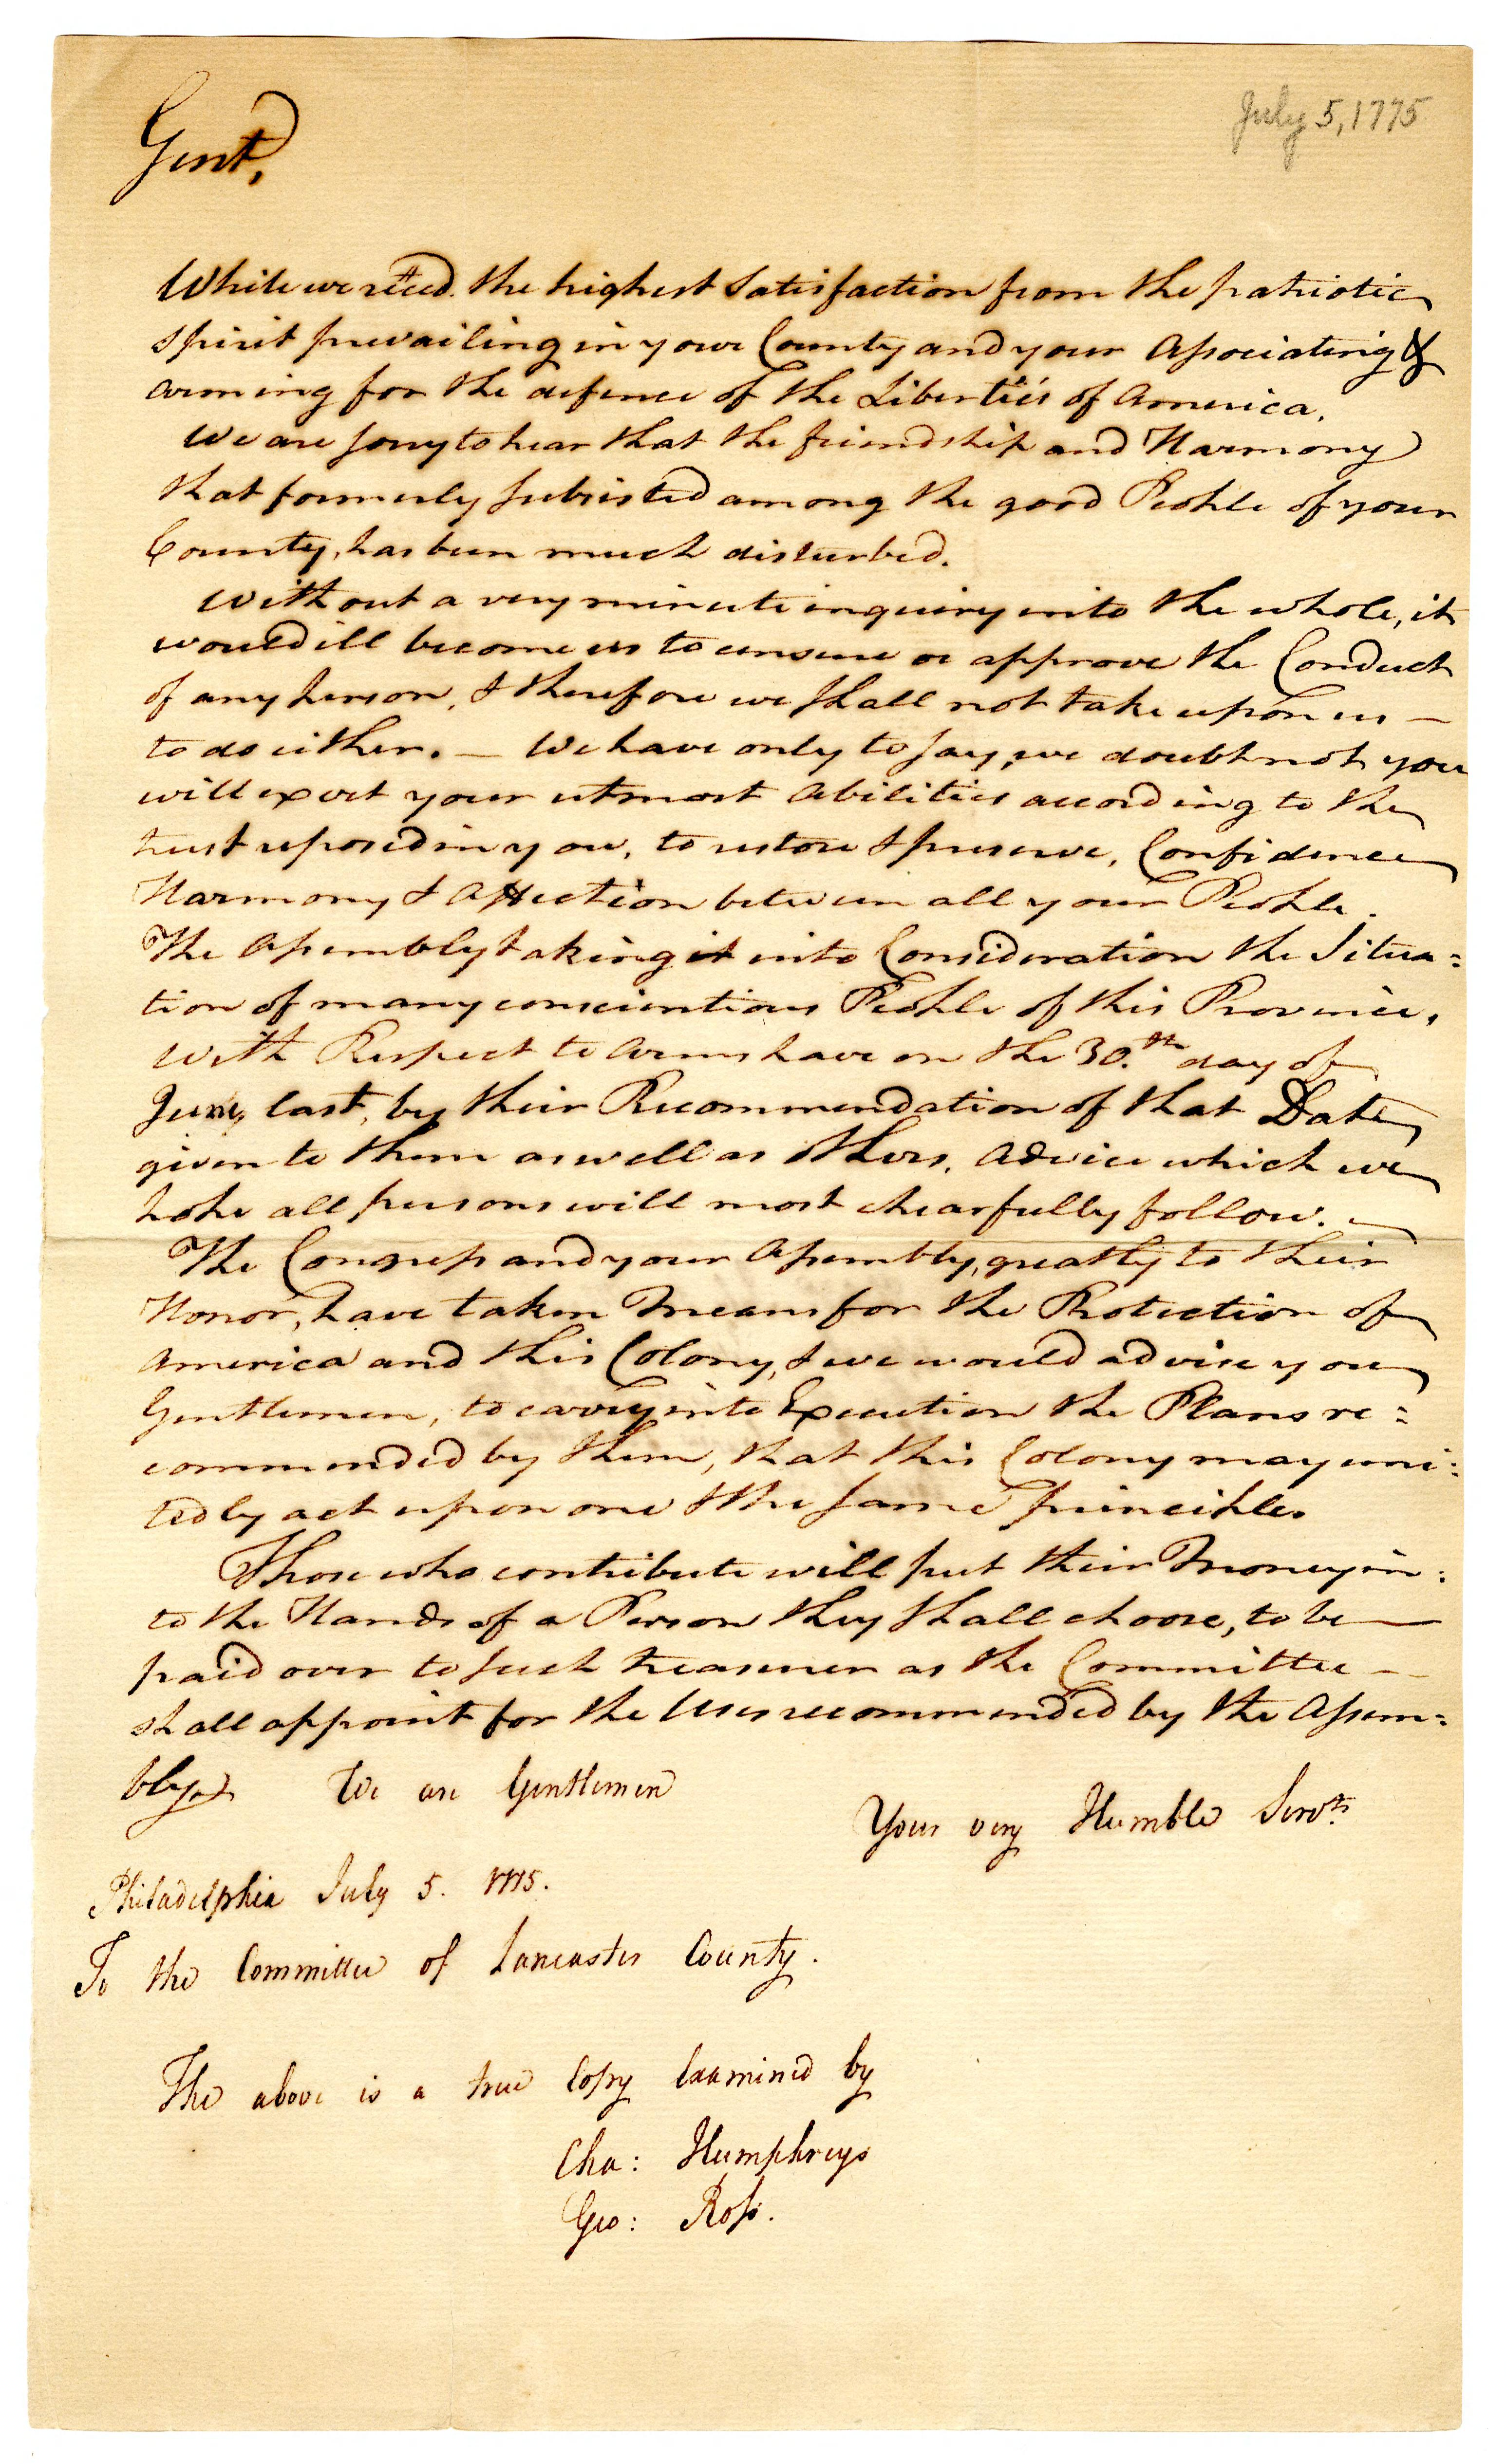Gent.
While we reced. the highest Satisfaction from the patriotic
spirit prevailing in your County and your Associating &
arming for the defence of the Liberties of America
We are sorry to hear that the friendship and Harmony
that formerly subsisted among the good People of your
County, has been much disturbed.
Without a very minute inquiry into the whole, it
would ill become us to censure or approve the Conduct
of any Person, & therefore we shall not take upon in
to do either. We have only to say we doubt not you
will exert your utmost Abilities according to the
trust responding on to restore & preserve Confidence
Harmony & Affection between all your People
The assembly taking it into Consideration the Situa-
-tion of many conscientious People of this Province
With Respect to Arms have on the 30^th day of
June last, by their Recommendation of that Date,
given to them as well as others, Advice which we
hope all persons will most chearfully follow.
The Congress and your Assembly, greatly to their
Honor, have taken means for the Protection of
America and this Colony, & we would advise you
Gentlemen, to carry into Execution the Plans re-
commended by them, that this Colony may uni-
tedly act upon one & the Same principle
Those who contribute will put their Money in
to the Hands of a Person they shall choose, to be
paid over to such treasurer as the Committee
shall appoint for the Uses recommended by the Assem-
-bly.
We are Gentlemen
Your very Humble Serv^t.
Philadelphia July 5. 1775.
To the Committee of Lancaster County.
The above is a true Copy Examined by
Cha: Humphreys
Geo: Ross.